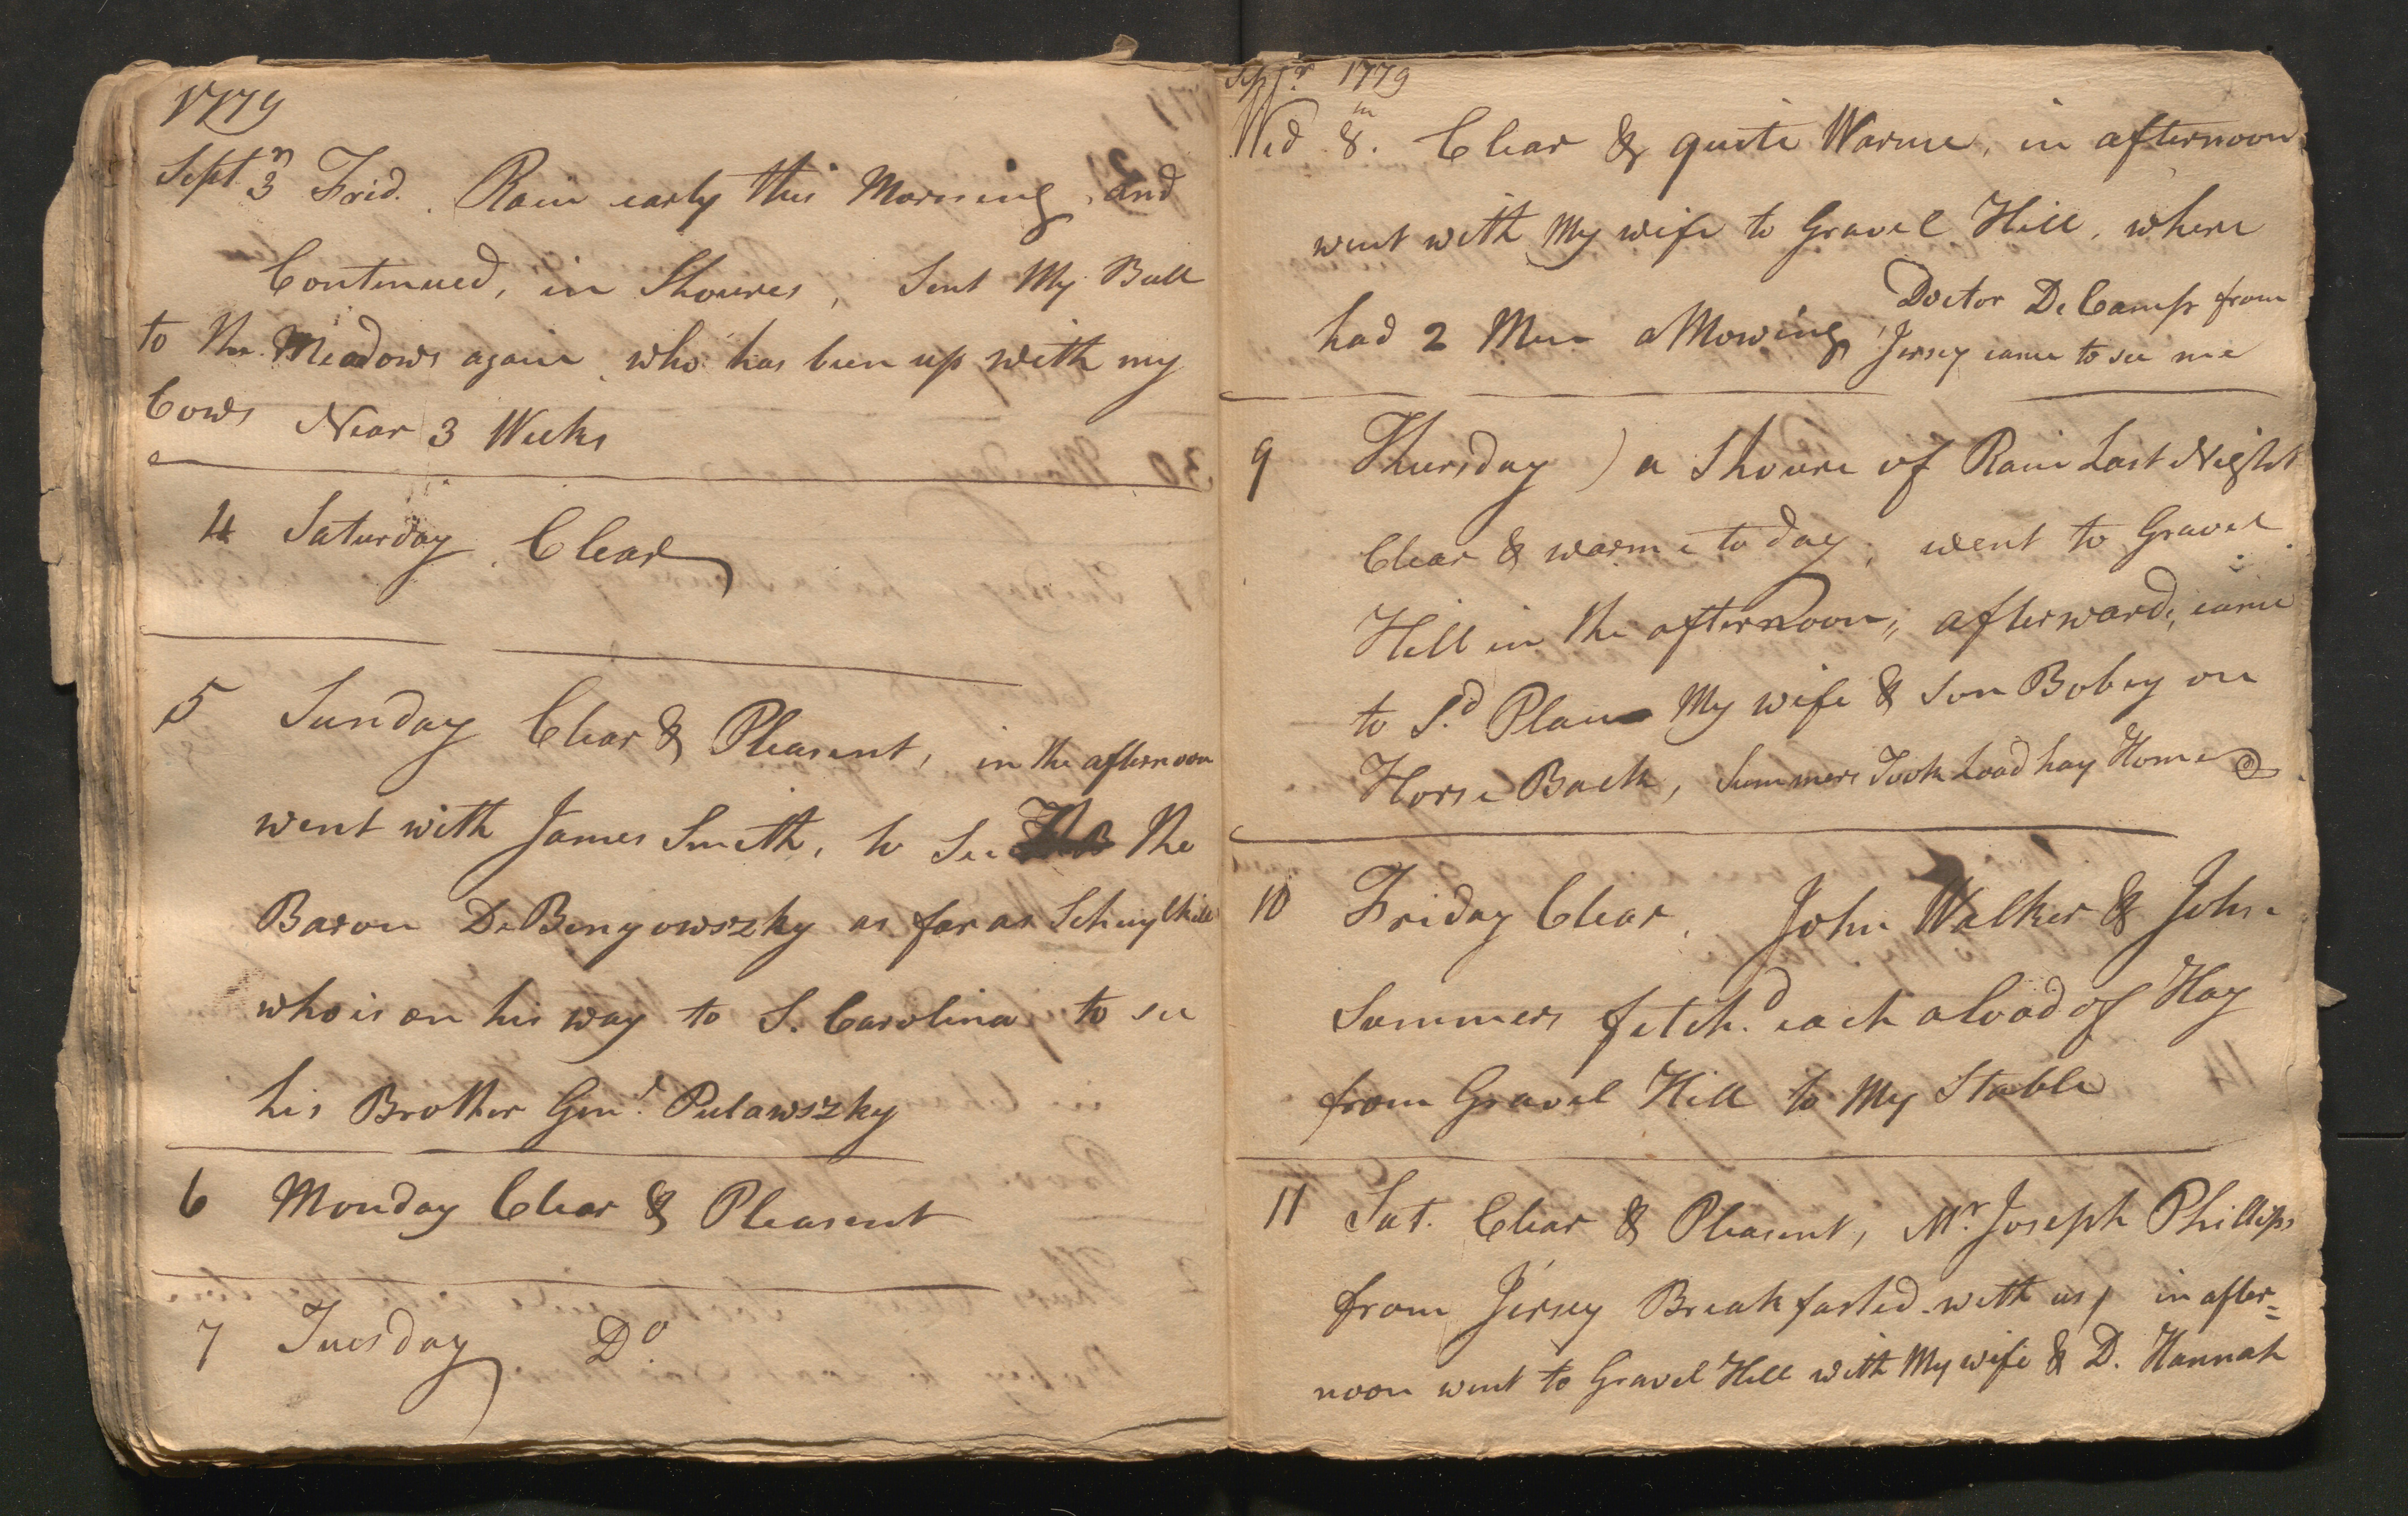1779
Sept^r 3 Frid. Rain early this Morning and
Continued, in Shoures, Sent My Bull
to the Meddows again who has been up with my
Cows Near 3 Weeks
4 Saturday Clear
5 Sunday Clear & Pleasent, in the afternoon
went with James Smith, to see [___] the
Baron D. Benyowzky as for an Schuylkill
who is an his way to S. Carolina to see
his Brother Gen^l. Pulanszky
6 Monday Clear & Pleasent
7h Tuesday
D^o.
Sept^r.1779
Wed 8^th. Clear & quite Warme, in afternoon
went with my wife to Gravel Hill, where
had 2 Men a Mowing
Doctor DeCamp from
Jersey came to see me
9 Thursday) a Shoure of Rain Last Night
Clear & warme to day. went to Gravel
Hell in the afternoon; afterward, cance
to s^d. Place My wife & son Bobey on
Horse Back, Summers Took Load hay Home
1 Friday Clear. John Walker & John
Summers fetch^d. each a load of Hay
from Gravel Hill to My Stable
11 Sat. Clear & Pleasent, M^r. Joseph Phillips
from Jersey Breakfasted with us, in after-
noon went to Gravel Hill with My wife & D. Hannah